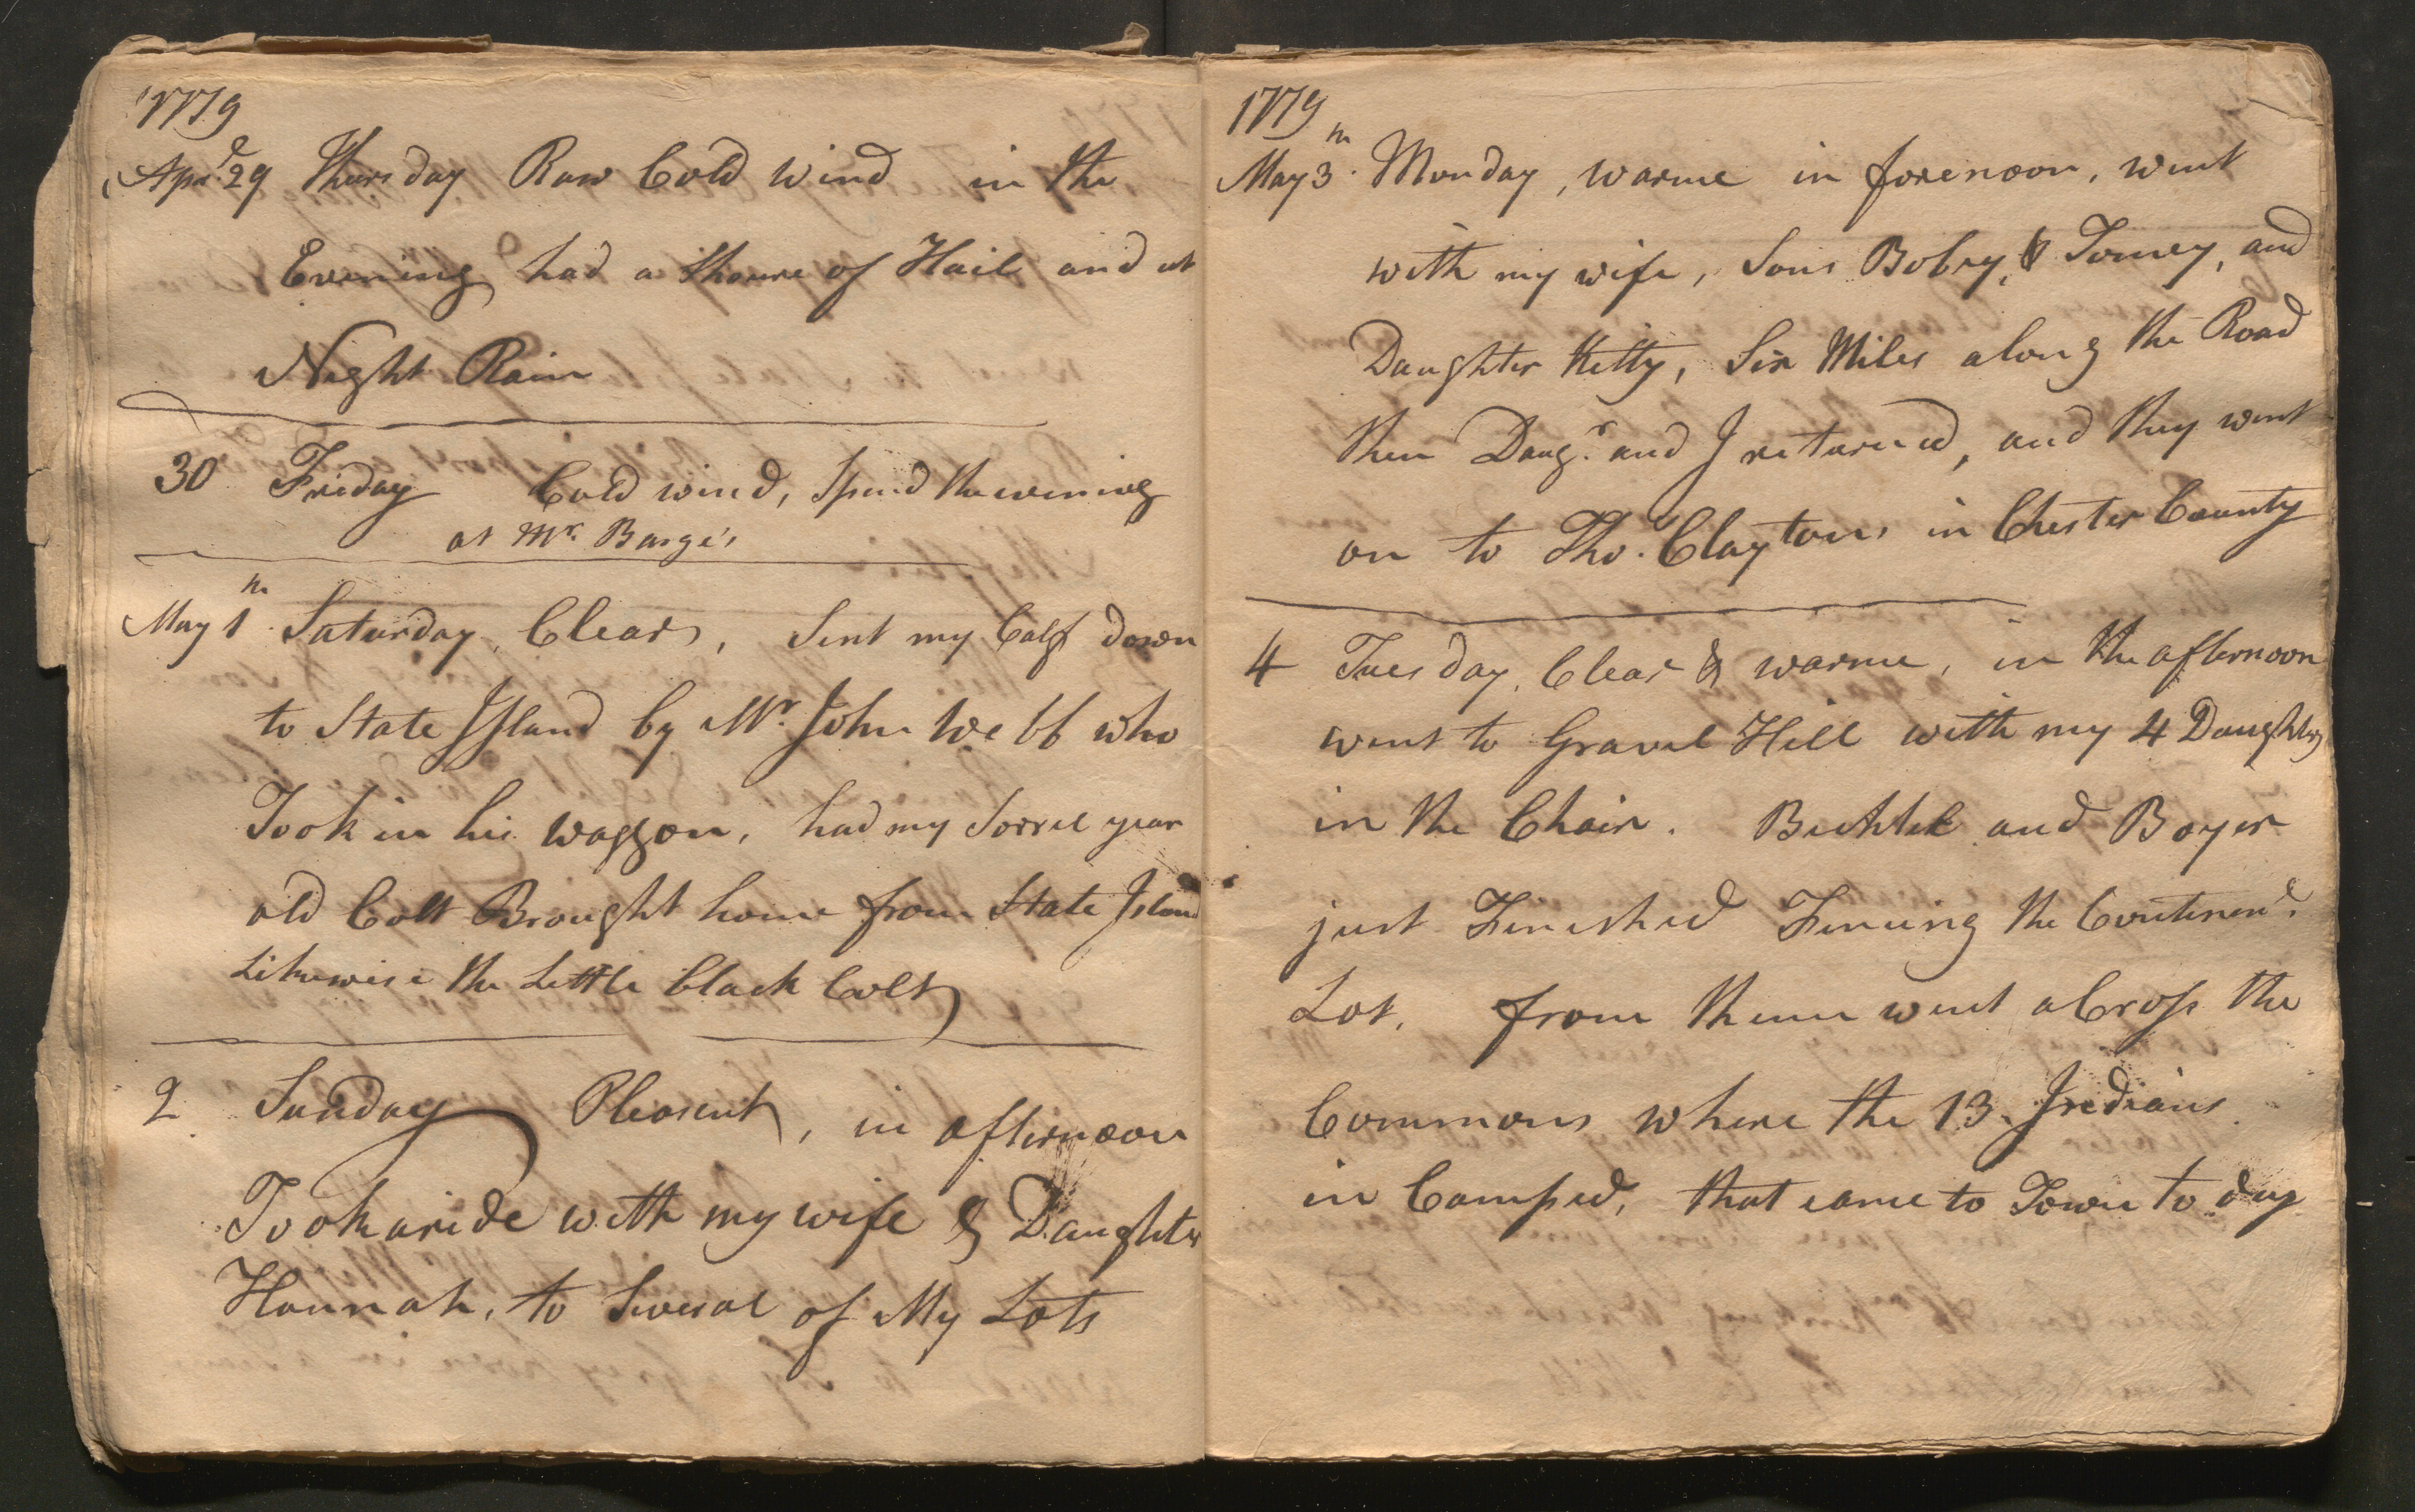1779
Apr^l. 29 Thursday Raw Cold wind in the
Evening had a shoure of Hail and at
Night Rain
30 Friday Cold wind, spend the evening
at M^r. Barge's
May 1^th Saturday, Clear, Sent my Calf down
to State Island by M^r. John Webb who
Took in his waggon, had my Sorrel year
old Colt Brought home from State Island
Likewise the Little black Colt
2 Sunday Pleasent
in afternoon
Took a ride with my wife & Daughter
Hannah, to Several of My Lots
1779
May 3^th. Monday, warme in forenoon, went
with my wife, Sons Bobey & Tomey, and
Daughter Kitty, Six Miles along the Road
their Daug^r. and I returned, and they went
on to Tho^s. Claytons in Chester County
4 Tuesday, Clear & warme, in the afternoon
went to Gravel Hill with my 4 Daughts
in the Chair. Bechtel and Boyer
just Finished Fencing the Continen^l.
Lot. from thence went a Cross the
Commons where the 13 Indians
in Camped, that came to Town to day